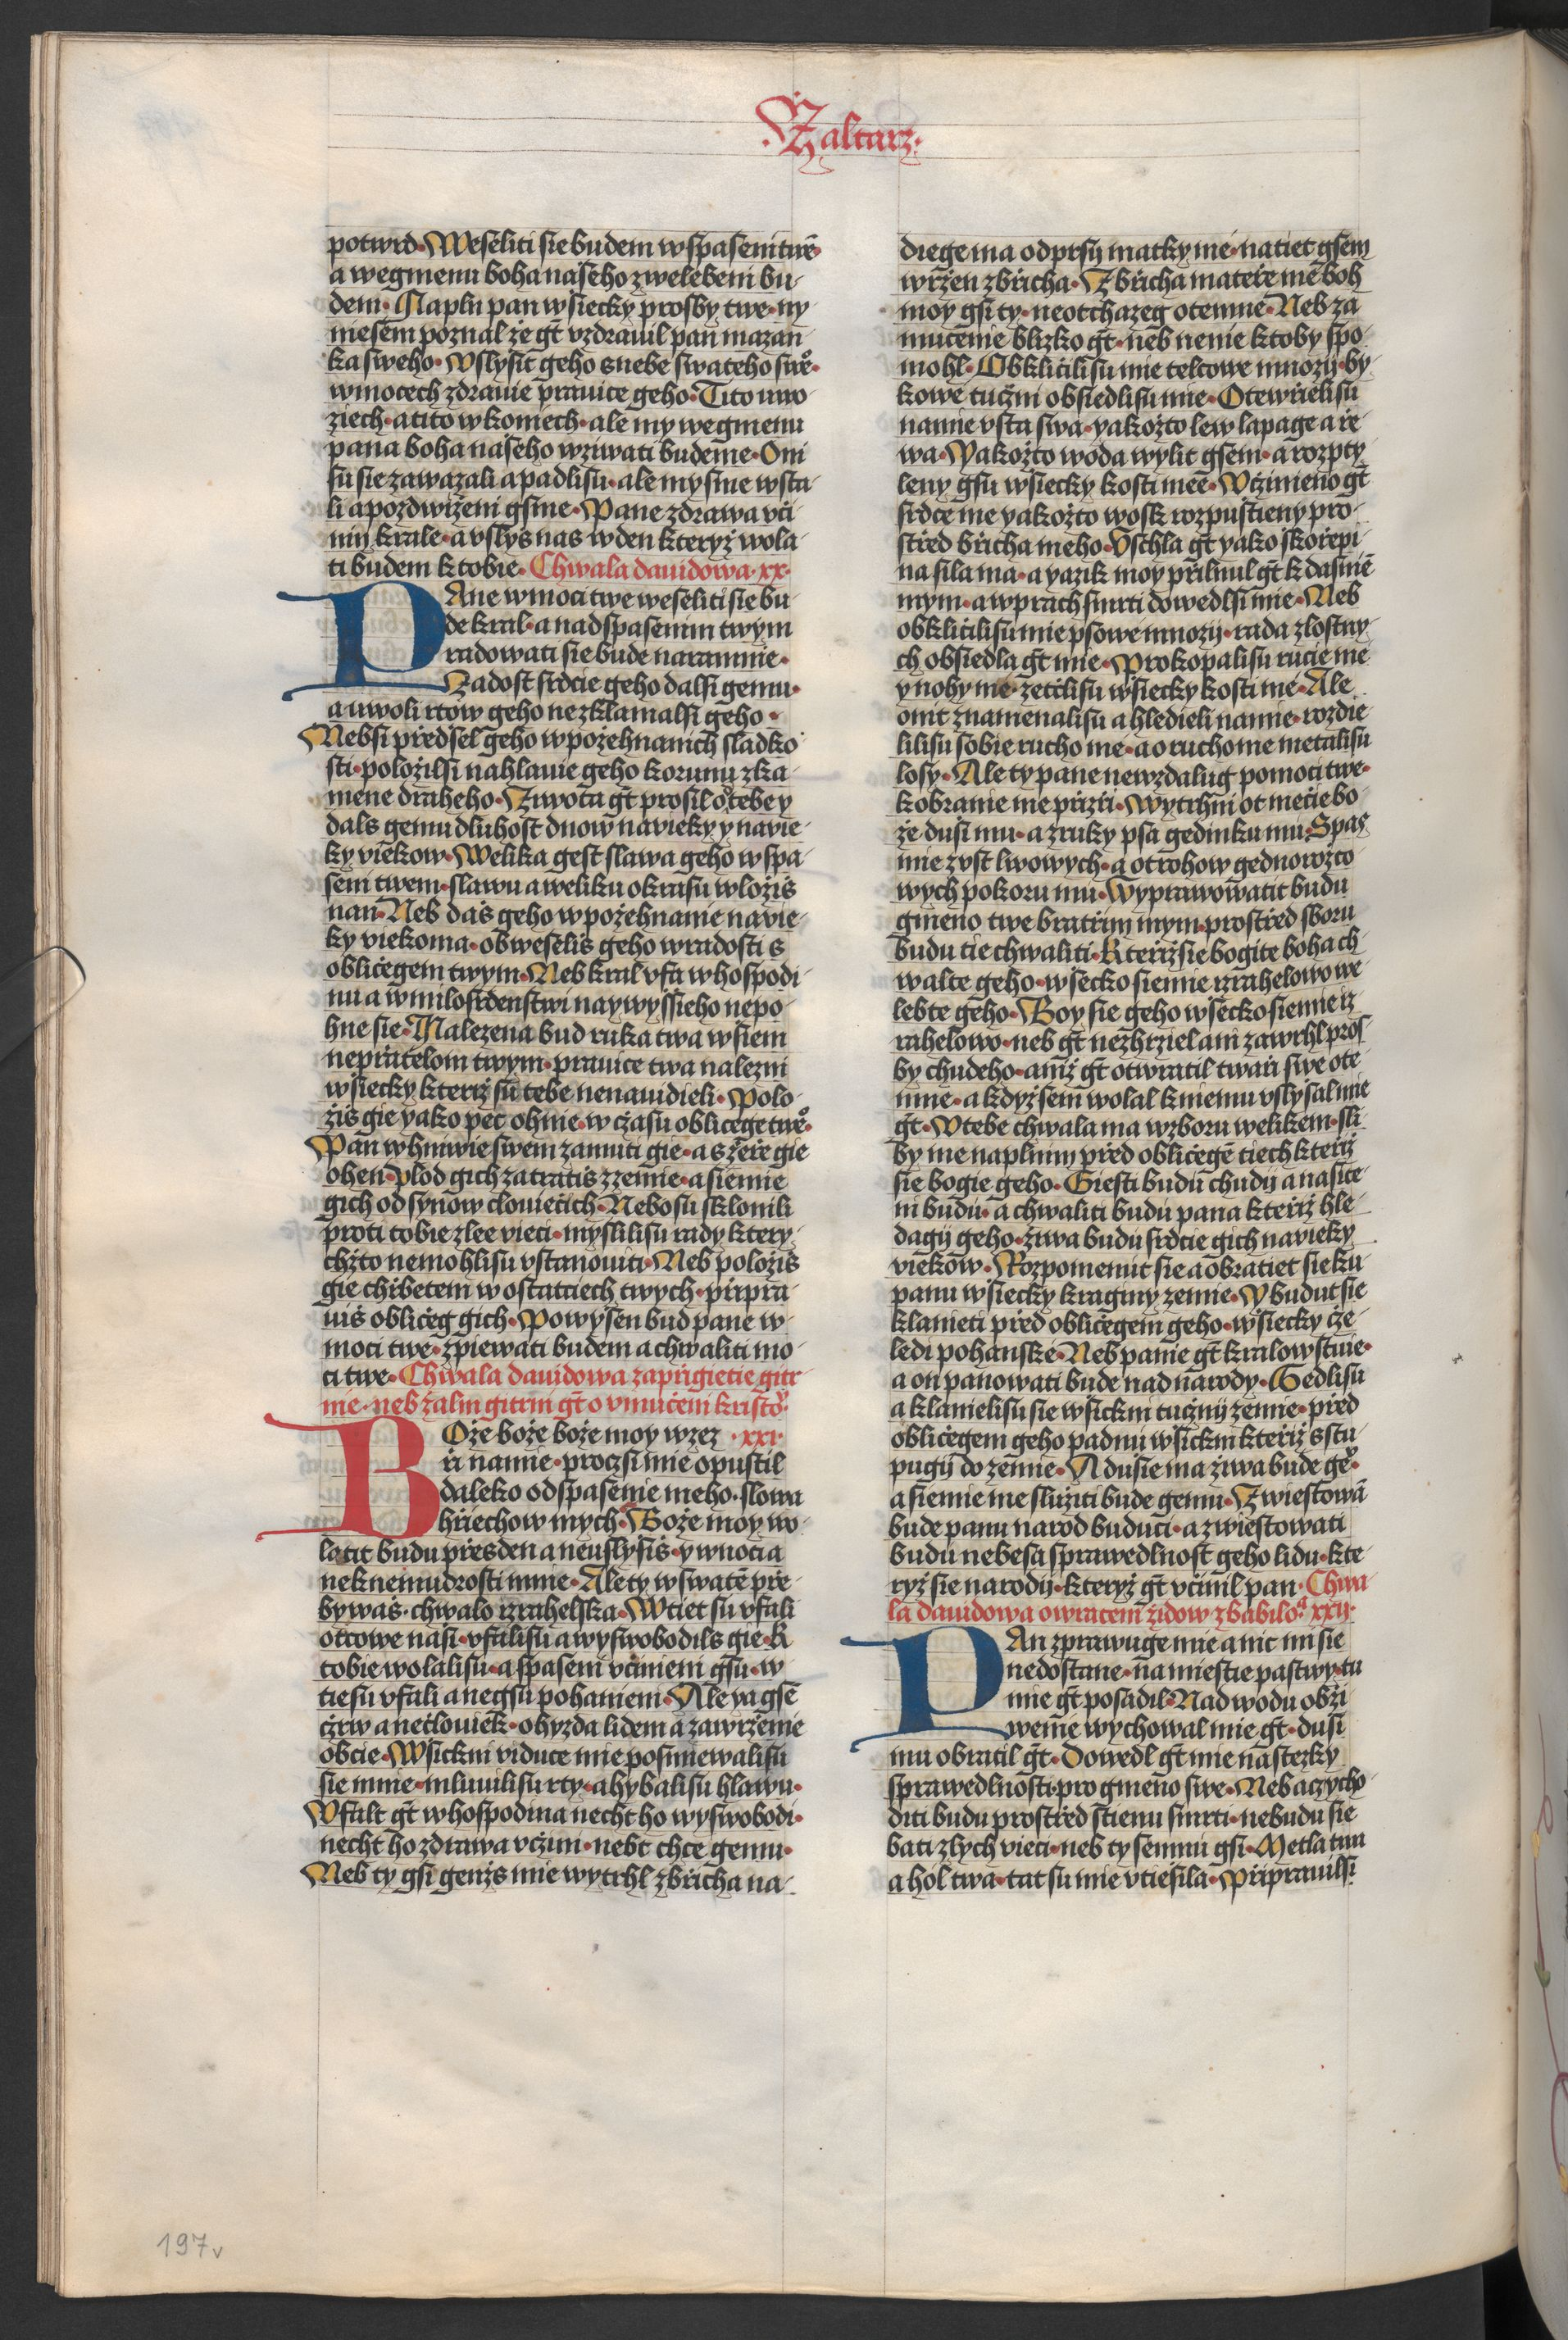potwrd.Weſeliti ſie budem v ſpaſeni twē.
a wegmenu boha naẛeho zwelebeni bu¬
dem.Napln pan wẛiecky proſby twe.ny¬
nieſem poznal że ḡt uzdravil pan mazan¬
ka ſweho.Vſlyẛit geho snebe ſwateho ſweo
v mocech zdravie pravice geho.Tuto uwo¬
ziech.a tito w koníech.ale my wegmenu
pana boha naẛeho wzíwati budeme.Oni
ſu ſie zawazali a padliſu.ale myſme wſta¬
li a pozdwiżeni gſme.Pane zdrawa vċi¬
nin krale.a uſlyṡ nas w den kteryż wola¬
ti budem k tobie.Chwala davidowa.xx.
Ane wmoci twe weſeliti ſie bu¬
de kral.a nadſpaſením twým
radowati ſie bude naramnie.
Zadoſt ſrdcie geho dalſi gemu.
a uwoli rtow geho nezklamalſi geho.
Nebſi pṙedẛel geho w pożehnaních ſladko¬
ſti.polożilſi nahlavie geho korunu zka¬
mene draheho.Ziwota ḡt il od tebe y
dals gemu dluhoſt dnow navieky y navie¬
ky viekow.Welika geſt ſlawa geho w ſpa¬
ſení twem.ſlawu a weliku okraſu wlożiṡ
nan.Neb daṡ geho w pożehnaníe navie¬
ky viekoma.obweſeliṡ geho wradoſti s
obliċegem twym.Neb kral ufa whoſpodi¬
nu a w miloſrdenſtwí naywyẛẛieho nepo¬
hne ſie.Nalezena bud ruka twa wẛiem
nepṙatelom twym.pravice twa nalezni
wẛiecky kteriž ſu tebe nenavidieli.Polo¬
żiṡ gie yako pec ohnie.w cżaſu oblicege tweo.
Pan whniwie ſwem zamuti gie.a sżeṙe gie
ohen.Plod gich zatratiṡ zzemie.a ſiemie
gich od ſynow clovíeċich.Neboſu ſklonili
proti tobie zlee vieci.myſliliſu rady ktery¬
chżto nemohli ſu vſtanoviti.Neb polożiṡ
gie chṙbetem w oſtatciech twych.pṙipra¬
víš obliċeg gích.Powyẛen bud pane w¬
moci twe.zpiewati budem a chwaliti mo¬
ci twe.Chwala davidowa zapṙigietie gítr¬
nie.neb żalm gitrní ḡt o umuċení kriſtov.
Oże boże boże moy wzez. xxi.
ṙi namie.proczſi mie opuſtil
daleko odſpaſenie meho.ſlowa
hṙiechow mych.Boże moy wo¬
latit budu pṙesden a neuſlyẛiṡ.y wnoci a
neknemudroſti mnie.Alety wſwatē pṙe¬
bywaṡ.chwalo izrahelſka.Wtietſu ufali
otcowe naẛi.ufaliſu a wyſwobodils gie.K
tobie wolaliſu.a ſpaſeni uċinieni gſu.w
tieſu ufali a negſu pohanieni.Ale ya gſē
cżrw a neċloviek.ohyzda lidem a zawrżeníe
obcie.Wẛickni viduce mie poſmiewaliſu
ſie mnie.mluviliſu rty.ahybaliſu hlawu.
Vfalt ḡt whoſpodina necht ho wyſwobodí.
necht ho zdrawa ucżini.nebt chce gemu.
Neg ty gſi genżs mie wytrhl zbṙicha na¬
.Żaltarz.
diege ma odprſij matky mé.natiet gſem
wrżen zbṙicha.Z bṙicha mateṙe mé boh
moy gſi ty.neotchazeg otemne.Neb za¬
mucenie blizko ḡt.neb nieníe ktoby ſpo¬
mohl.Obkliċiliſu mie telcowe mnozij.by¬
kowe tucżní obſiedliſu mie.Otewṙieliſú
na mie vſta ſwa.yakożto lew lapage a ṙe¬
wa.Yakożto woda wylit gſem.a rozpty¬
leny gſu wẛiecky koſti mee.Ucżinieno ḡt
srdce me yakożto woſk rozpuẛtieny pro¬
ſtṙed bṙicha meho.Vſchla ḡt jako ẛkoṙepi¬
na ſila ma.a yazik moy pṙilnul ḡt k daſniē
mym.a wprach ſmrti dowedlſi mie.Neb
obkliċiliſu mie pſowé mnozij.rada zloſtny¬
ch obſiedla ḡt mie.Prokopaliſu rucie mé
y nohy mé.zetċliſu wẛiecky koſti mé.Ale
onít znamenaliſu a hledieli namie.rozdie¬
liliſu ſobie rucho mé.a o rucho me metaliſu
loſy.Ale ty pane newzdalug pomoci twe.
kobranie me pṙizṙi.Wytrhni ot meċie bo¬
że duẛi m.a zruka pſa gedinku mú.Spas
mie zuſt lwowych.a otrohow gednorożco¬
wych pokoru mú.Wyprawowatit budu
gmeno twe bratṙím proſtṙed boru
budu tie chwaliti.Kteṙiżſie bogite boha ch¬
walte geho.wẛecko ſiemie izrahelowo we¬
lebe geho.Boy ſie geho wẛecko ſiemie iz¬
rahelowo.neb ḡt nezhrziel ani zawrhl proſ¬
by chudeho.aniž ḡt otwratil twaṙi we ote¬
mie.a když ſem wolal k niemu vſlyẛal mie
ḡt.Vtebe chwala ma wzboru welikem.ſli¬
by me naplnim před obliċege tiech kteṙiż
ſie bogie geho.Gíeſti budú chudij a naſice¬
ni budú.a chwaliti budú pana kteṙiż hle¬
dagij geho.żiwa budú ſrdce gich navieky
viekow.Rozpomenút ſie a obratiet ſie ku¬
panu wẛiecky kraginy zemie.Y budutſie
klanieti pṙed obliċegem geho.wẛiecky cże¬
ledi pohanſké.Neb panie ḡt kralowſtvie.
a on panowati bude nad narody.Gedliſu
a klanieliſú ſie wẛickni tucżnij zemie.pṙed
obliċegem geho padnú wẛickni kteṙiż sſtu¬
pugij do zemie. A duẛie ma żiwa bude gev.
a ſiemie me ſlużiti bude gemu.Zwieſtowā
bude panu narod buducí.a zwieſtowati
budu nebeſa ſprawedlnoſt geho lidu.kte¬
ryż ſie narodij.kteryż ḡt uċinil pan.Chwa¬
la davidowa owratení żidow z babiloa.xxij.
Pan zprawuge mie a nic mi ſie
nedoſtane.na mieſtie paſtwy.tu
mie ḡt poſadil.Nad wodu obżi¬
weníe wychowal mie ḡt.duẛi
mu obratil ḡt.Dowedl ḡt mie naſtezky
ſprawedlnoſti.pro gmeno we.Neb acz ycho¬
diti budu proſtṙed ſtienu ſmrti.nebudu ſie
bati zlych vieci.neb ty ſemnú gſi.Metla twa
a hól twa.tat ſu mie utieẛila.Pṙiprawilſi